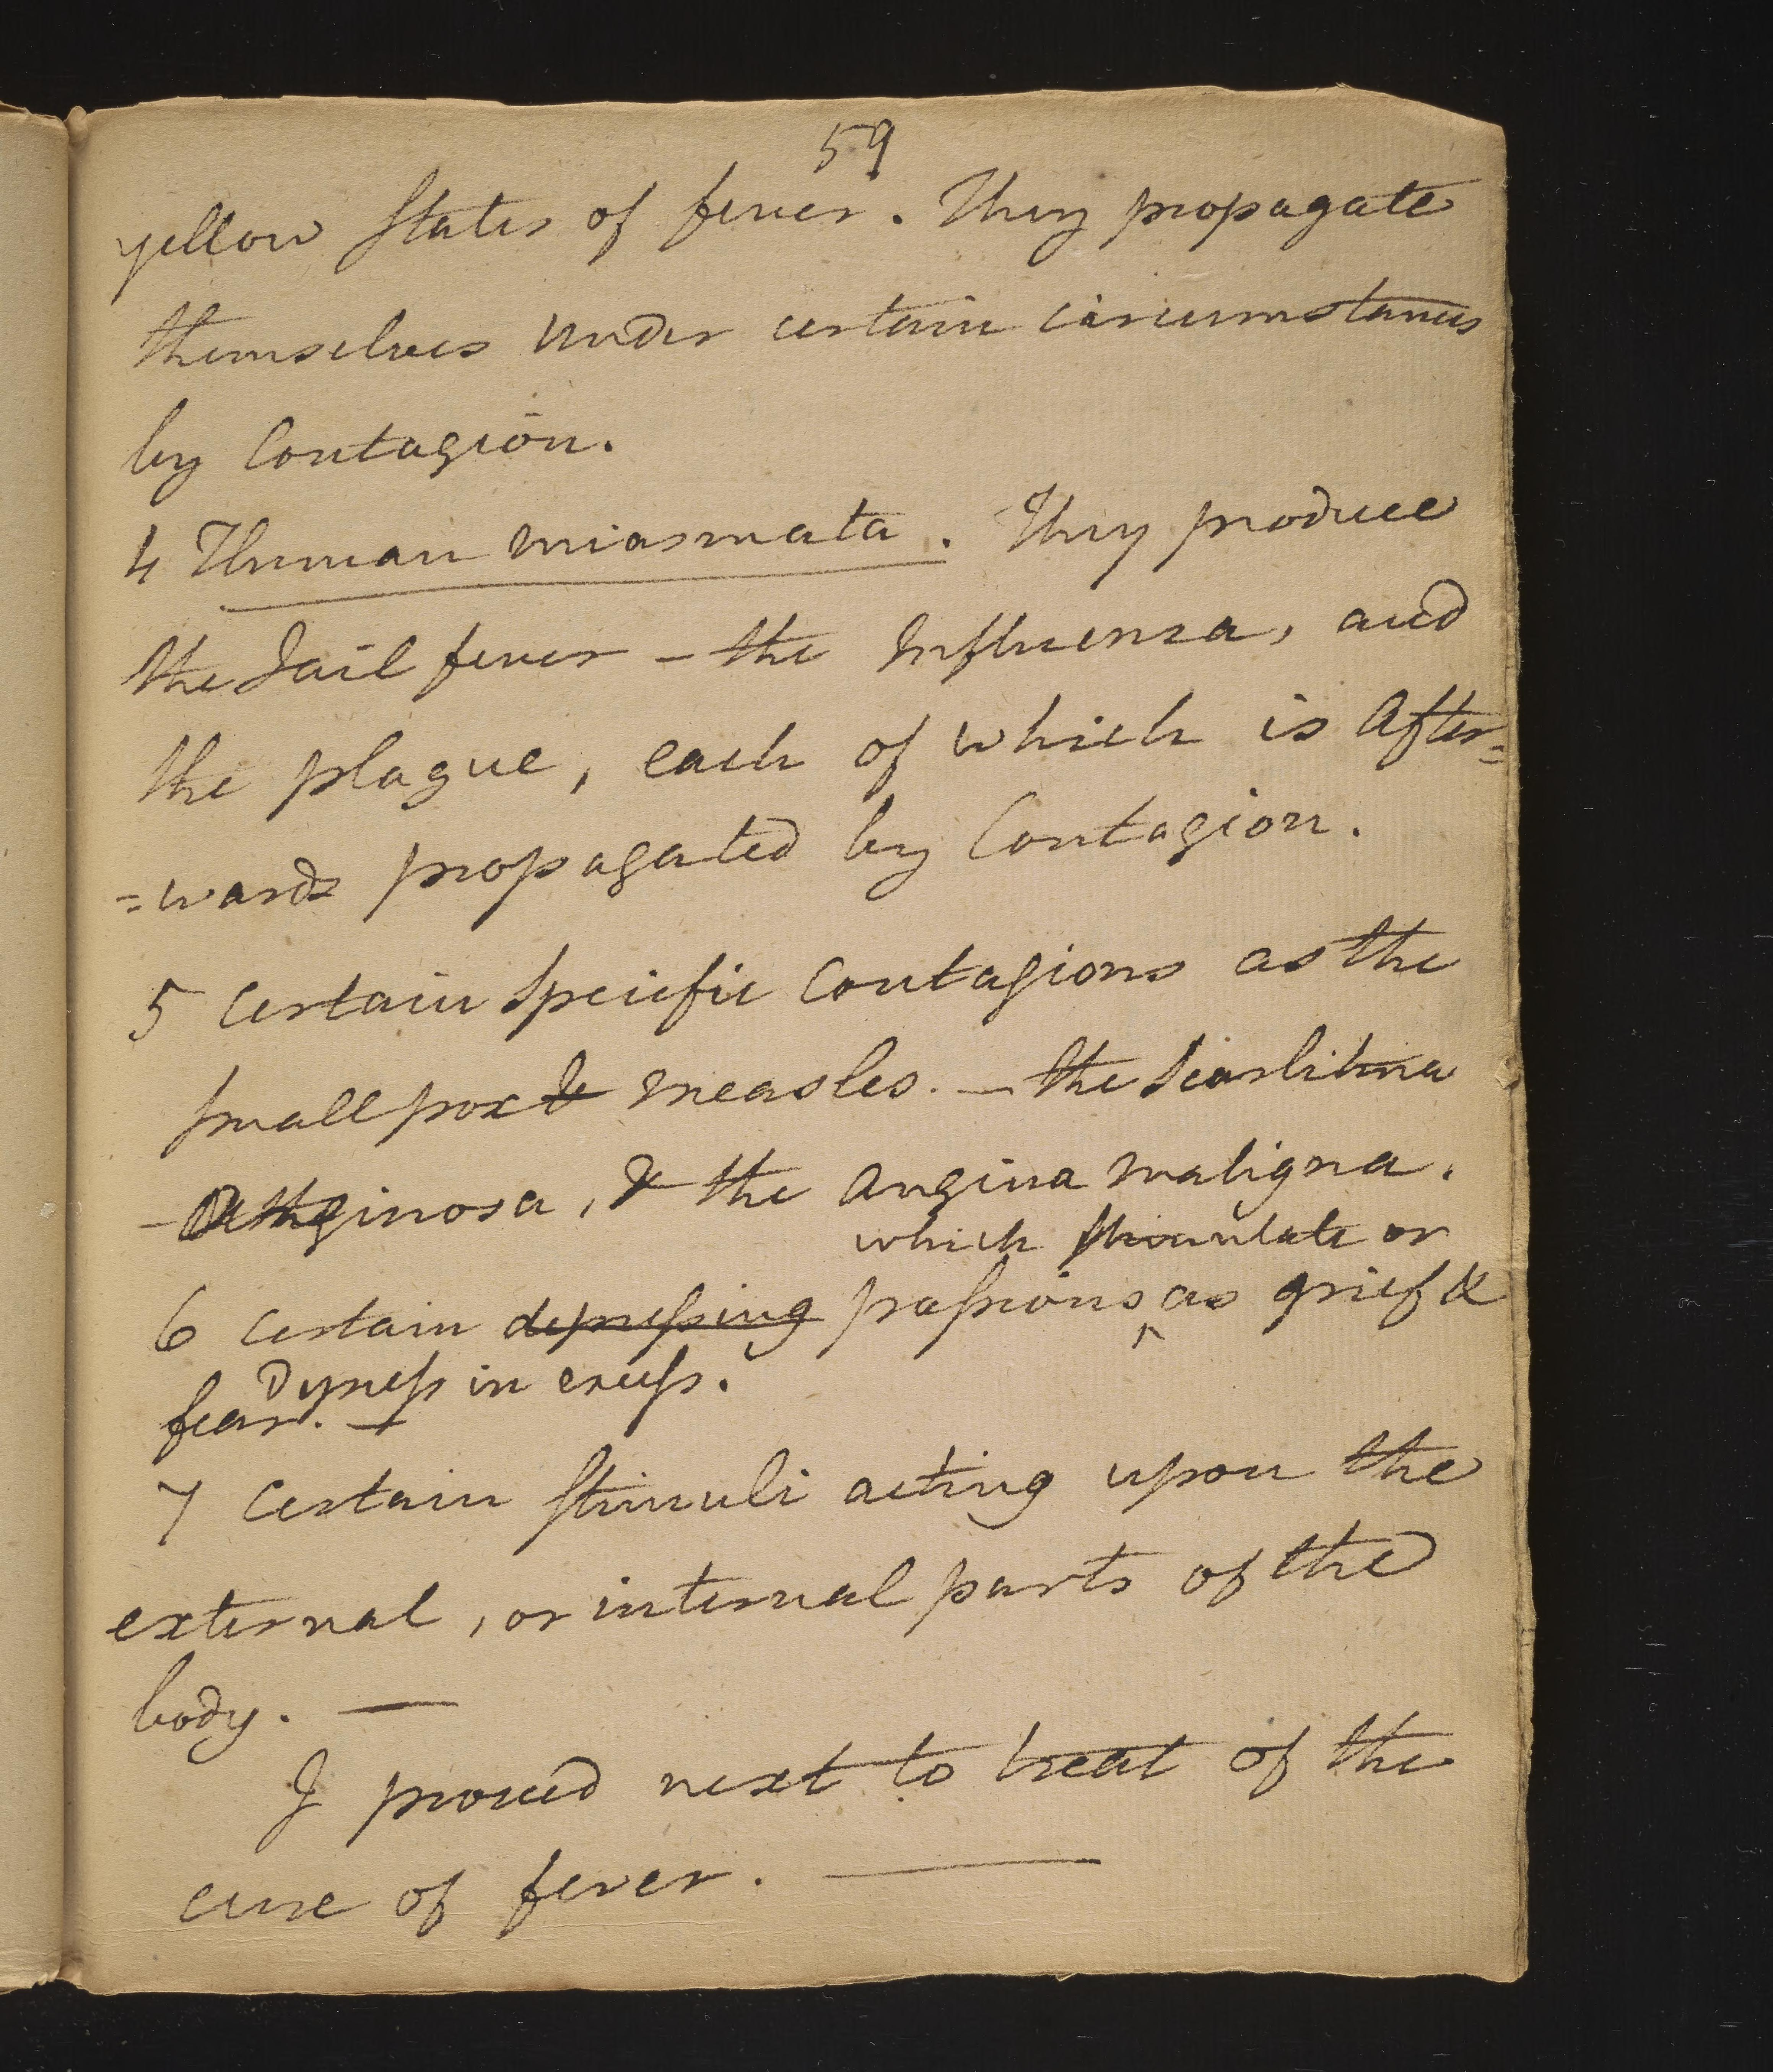59
yellow states of fever. They propagate
themselves under certain circumstances
by contagion.
4 Human miasmata. They produce
the Jail fever- the Influenza, and
the plague, each of which is after-
-wards propagated by Contagion.
5 Certain specific contagions as the
smallpox & measles. the scarlitina
Anginosa, & the angina maligna.
which stimulate or
6 Certain [depressing] passions ^ as grief &
Dryness in excess.
fear.
7 Certain Stimuli acting upon the
external, or internal parts of the
body.
I proceed next to treat of the
cure of fever.